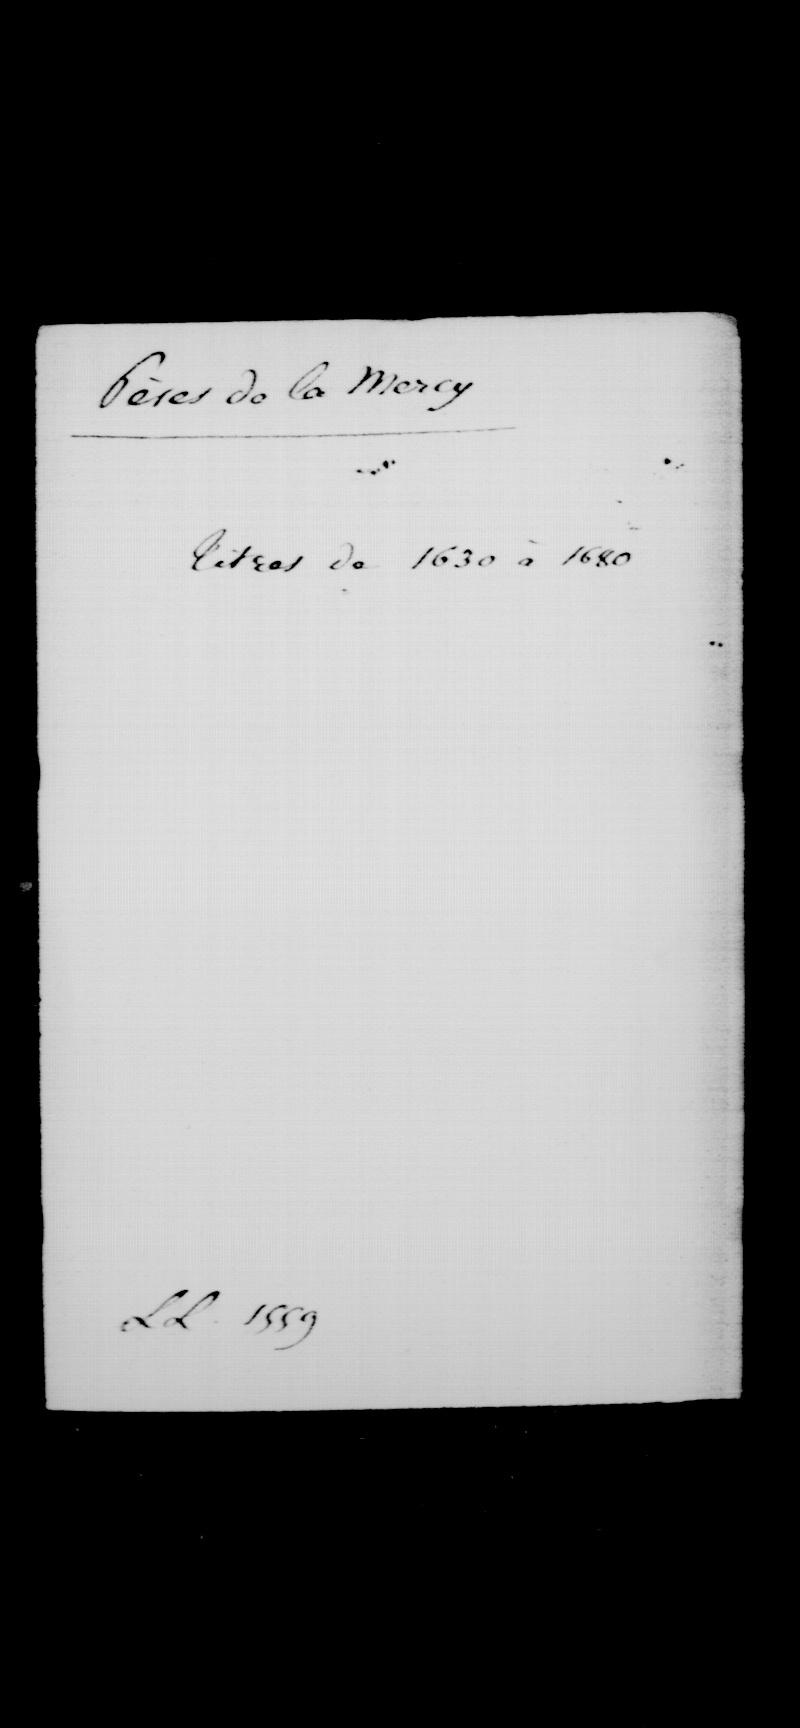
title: Pères de la Mercy
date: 1630 à 1680
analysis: Titres
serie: LL
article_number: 1559
